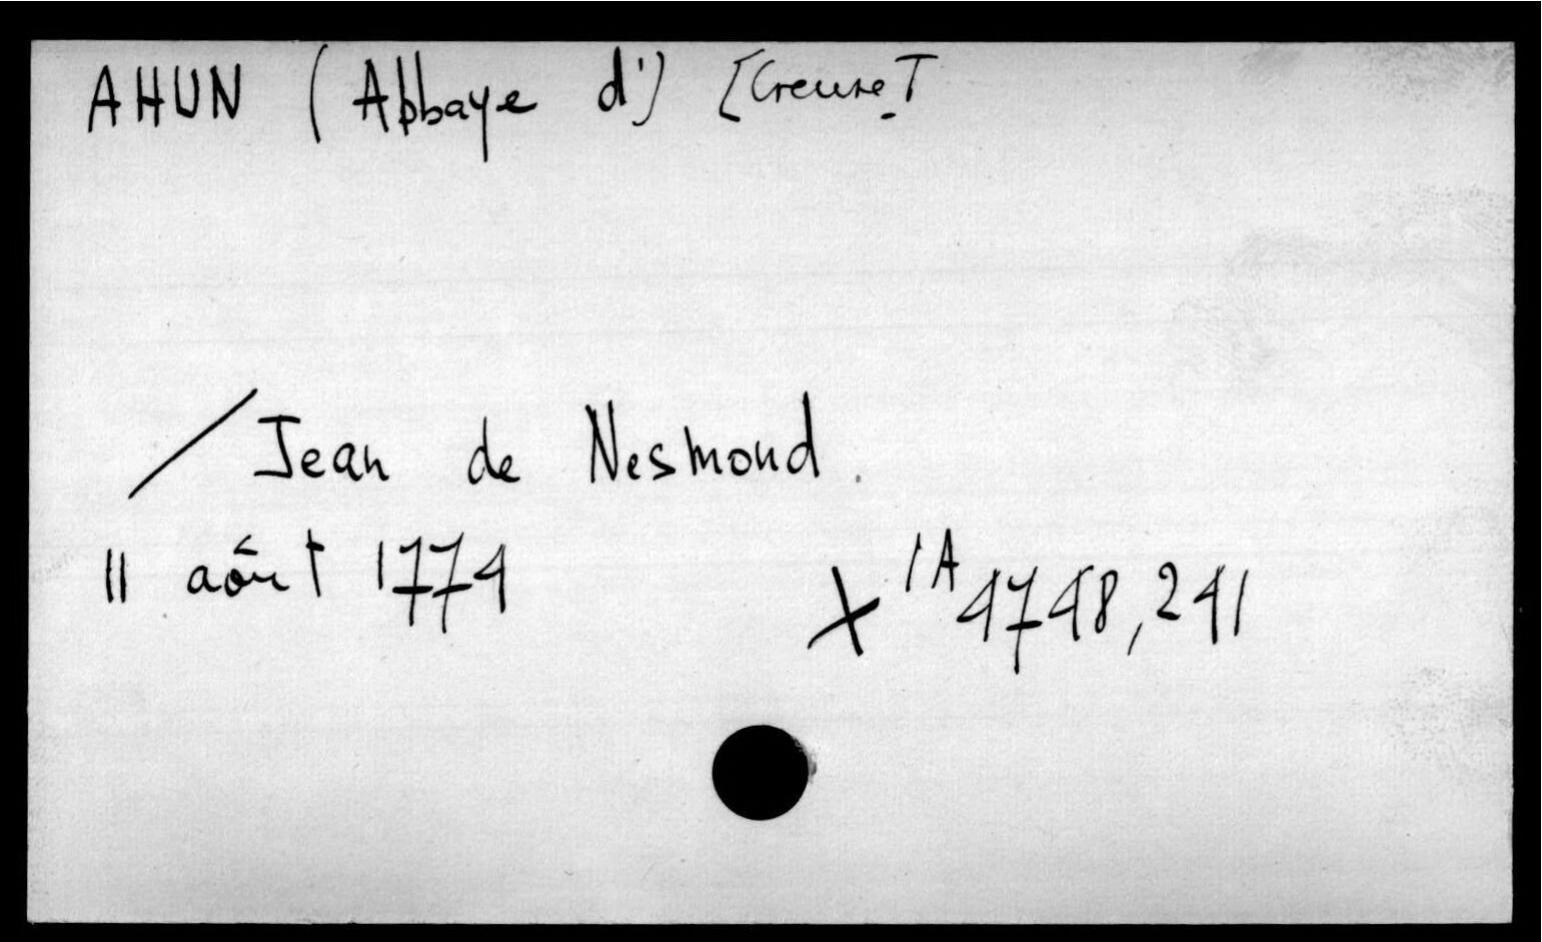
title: AHUN (Abbaye d') [Creuse]
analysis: Contre Jean de Nesmond
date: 11 août 1774
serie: X1A
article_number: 4748
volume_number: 241
